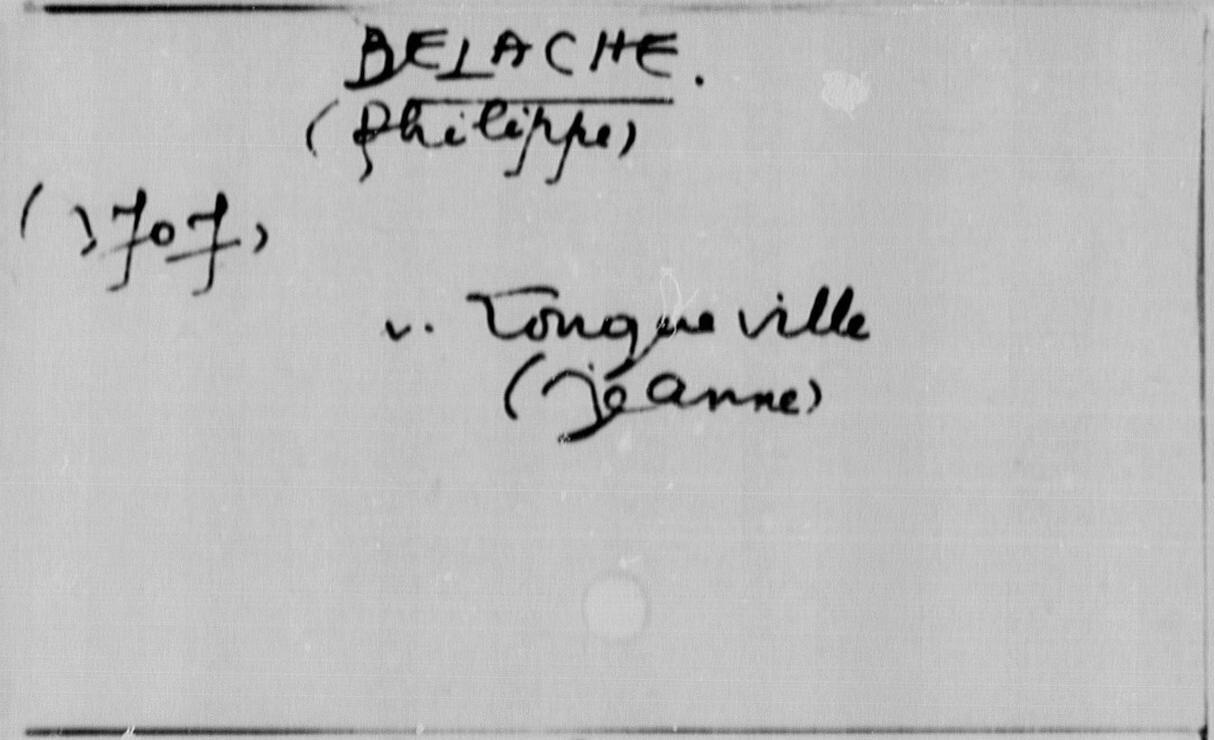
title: BELACHE (Philippe)
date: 1707
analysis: Voir Longueville (Jeanne)
